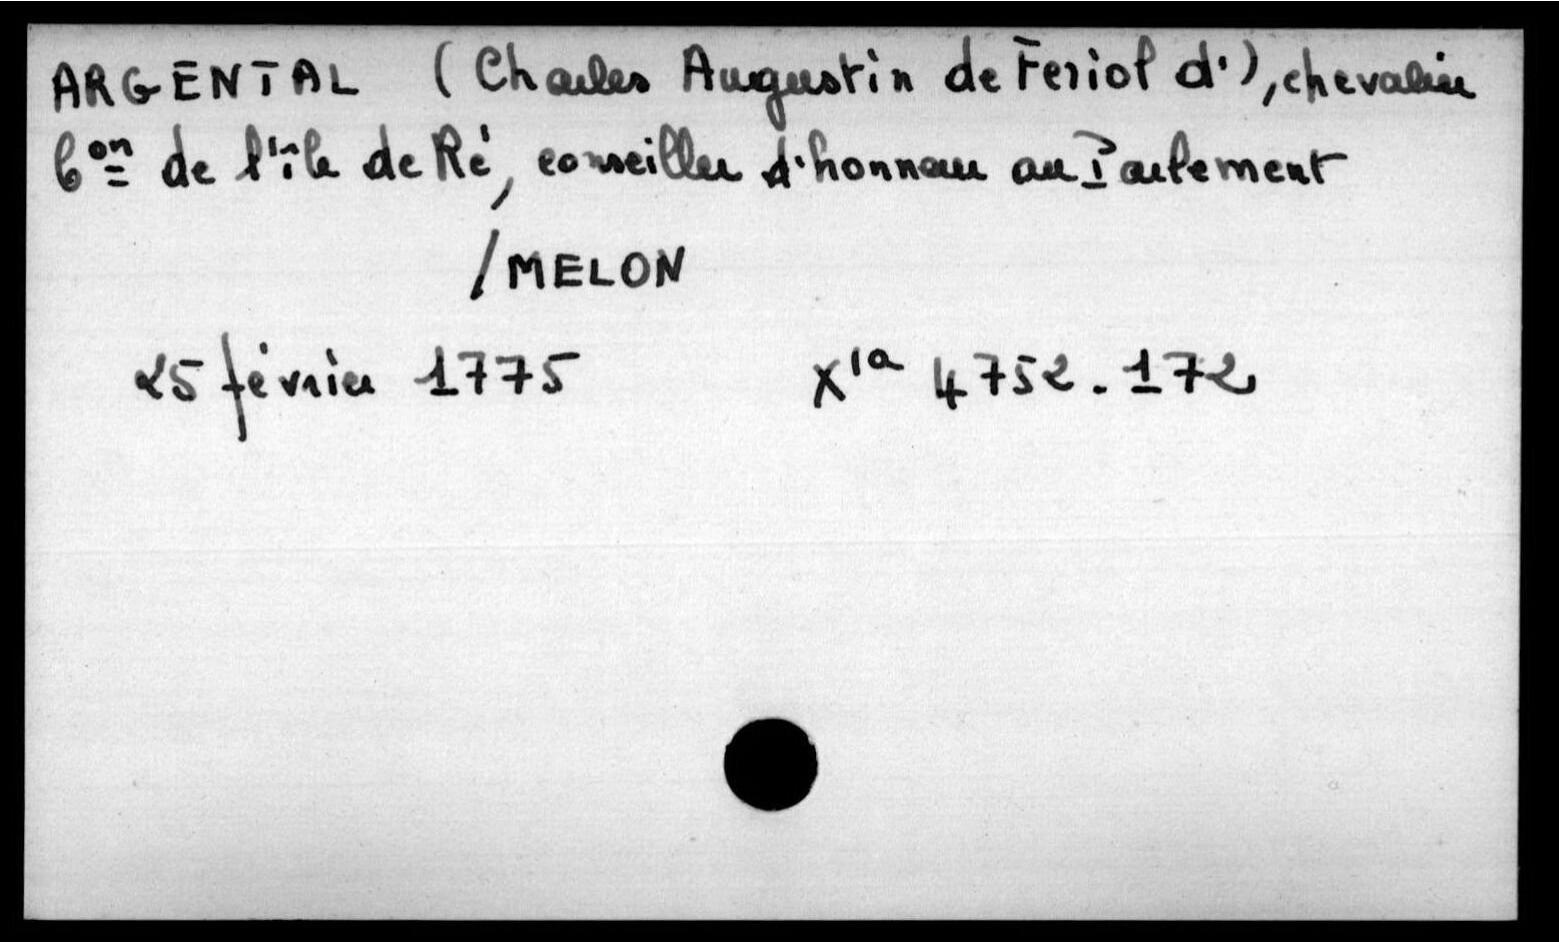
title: ARGENTAL (Charles Augustin de Feriol d'), chevalier baron de l'île de Ré, conseiller d'honneur au Parlement
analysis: Contre MELON
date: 25 février 1775
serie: X1a
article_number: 4752
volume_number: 172
